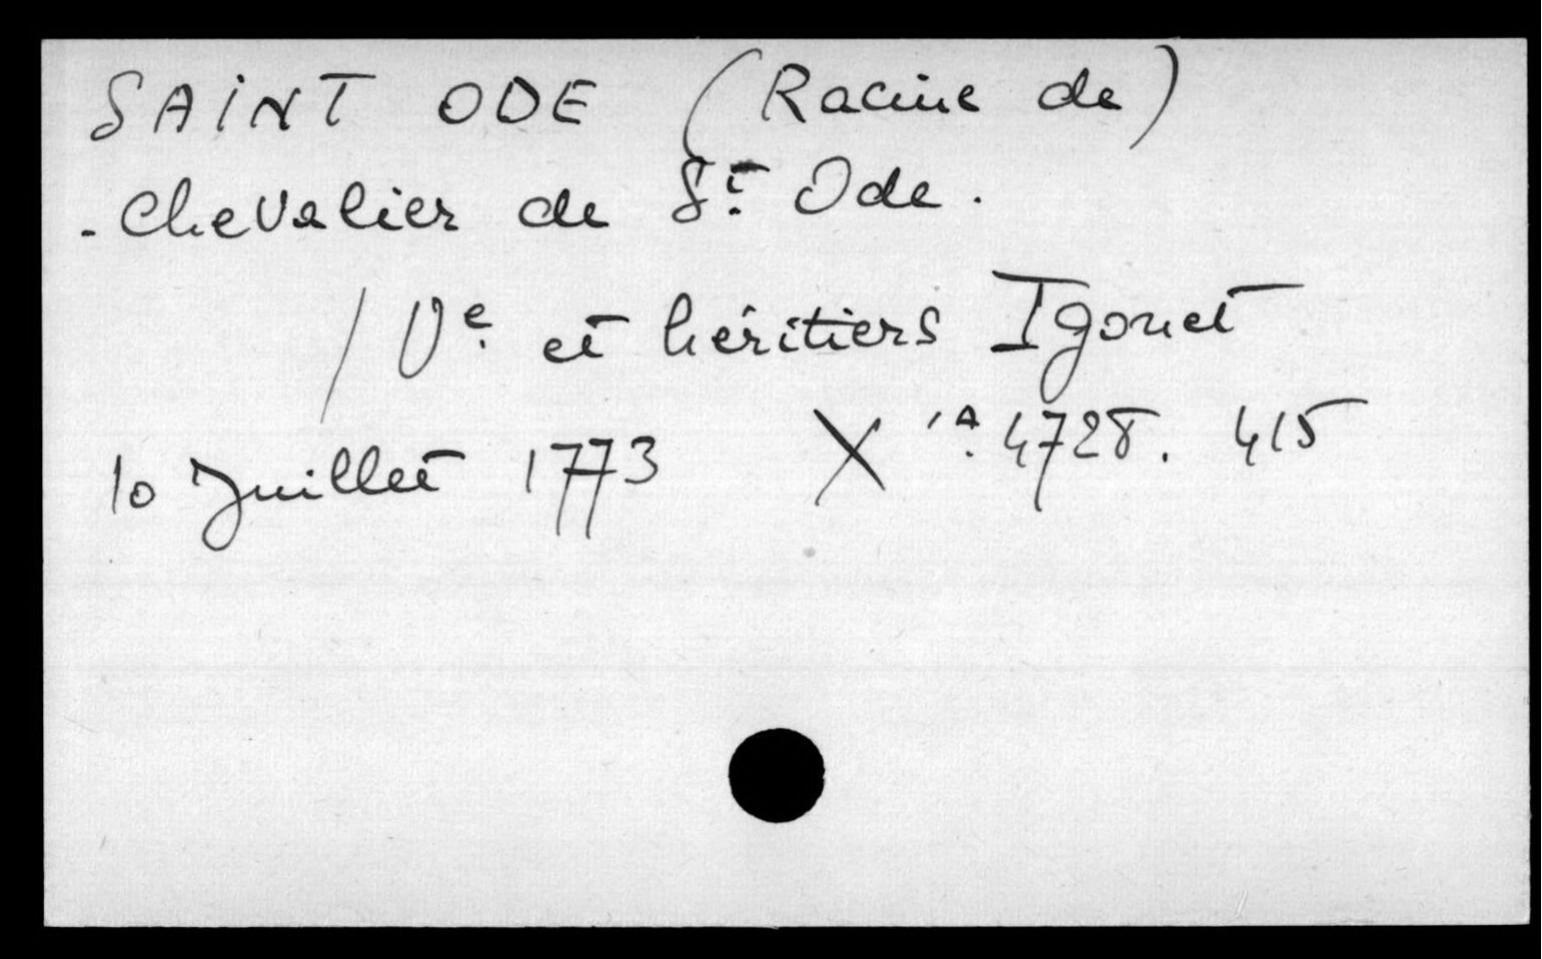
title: SAINT ODE (Racine de), Chevalier de Saint-Ode
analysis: Contre veuve et héritiers Igoriet
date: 10 juillet 1773
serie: X1A
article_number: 4728
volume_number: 415
